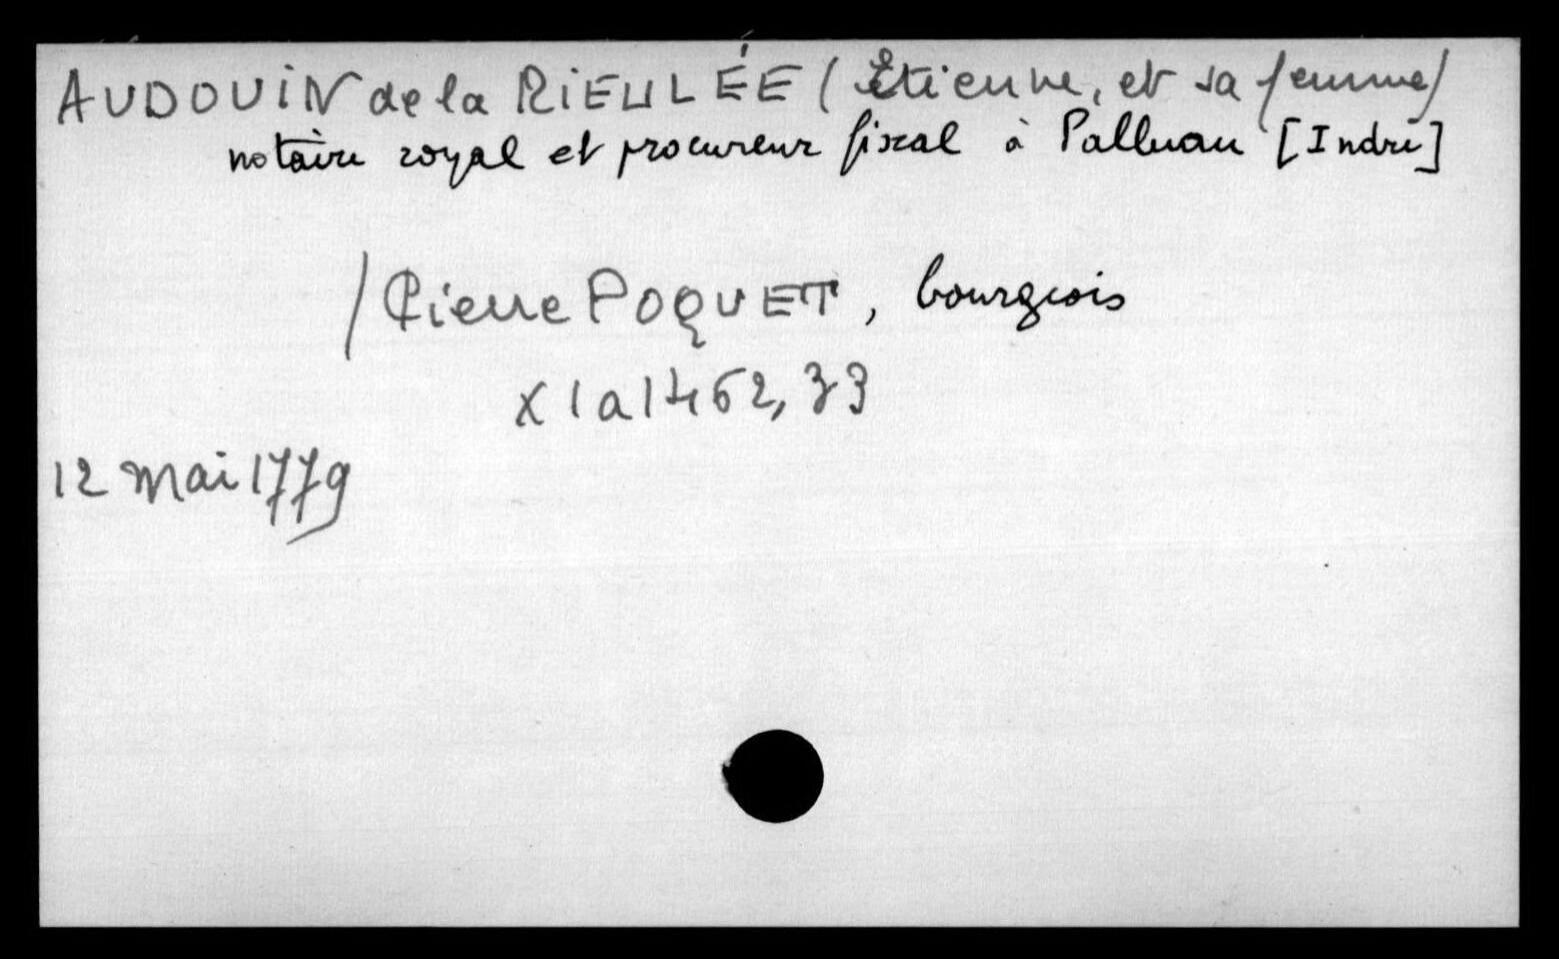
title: AUDOUIN de la RIEULÉE (Etienne, et sa femme) notaire royal et procureur fiscal à Palluau [Indre]
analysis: Contre Pierre POQUET, bourgeois
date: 12 mai 1779
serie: X1a
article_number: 1462
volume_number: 33
